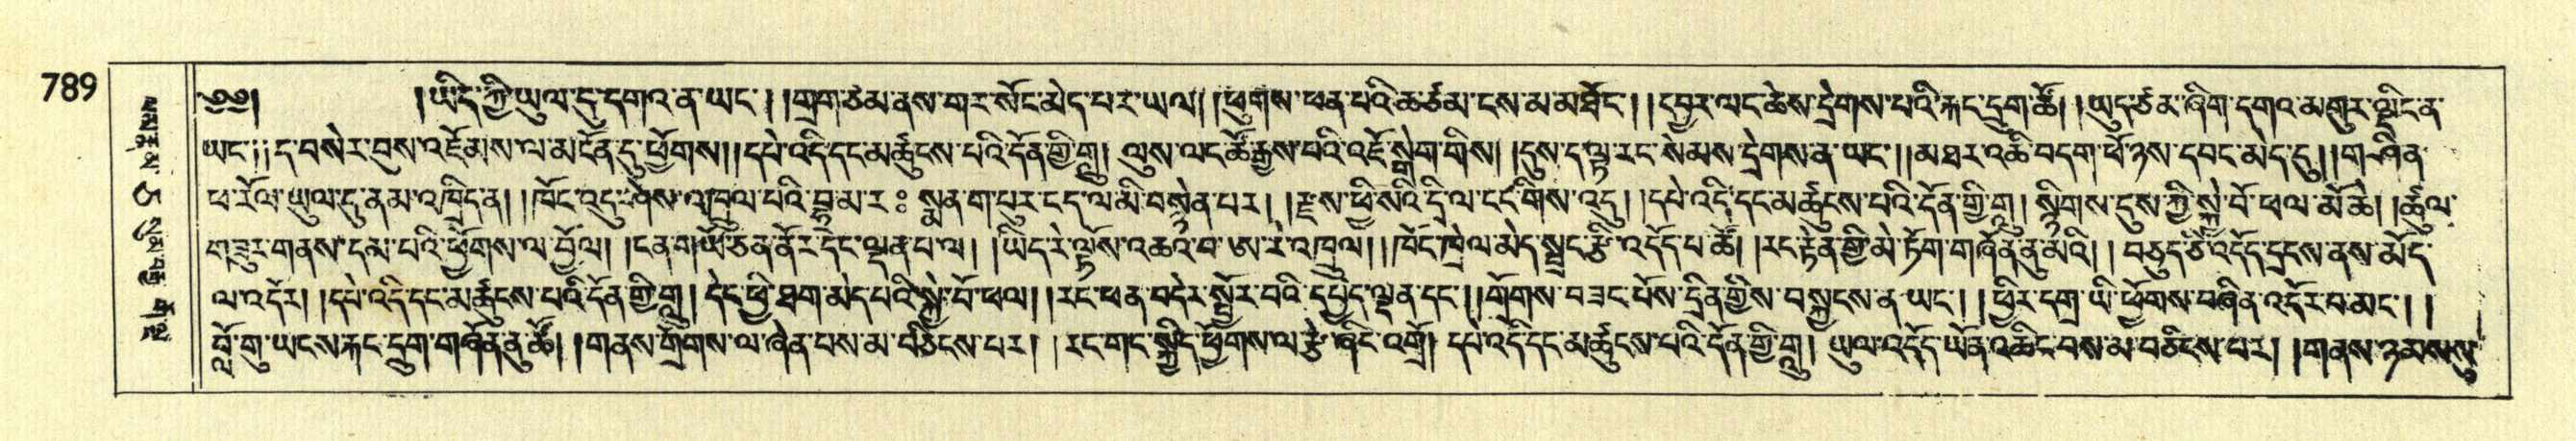༄༅། །ཡིད་ཀྱི་ཡུལ་དུ་དགའ་ན་ཡང་། །གྲག་ཙམ་ནས་གར་སོང་མེད་པར་ཡལ། །ཕུགས་ཕན་པའི་ཆ་ཙམ་ངས་མ་མཐོང་། །དབྱར་ལང་ཆེས་དྲེགས་པའི་རྐང་དྲུག་ཚོ། །ཡུད་ཙམ་ཞིག་དགའ་མགུར་ལྡིང་ན་
ཡང༑ ༑ད་བསེར་བུས་འཇོམས་ལ་མངོན་དུ་ཕྱོགས། །དཔེ་འདི་དང་མཚུངས་པའི་དོན་གྱི་གླུ། ལུས་ལང་ཚོ་རྒྱས་པའི་འཇོ་སྒེག་གིས། །དུས་ད་ལྟ་རང་སེམས་དྲེགས་ན་ཡང་། །མཐར་འཆི་བདག་ཕོ་ཉས་དབང་མེད་དུ། །གཤིན་
ཕ་རོལ་ཡུལ་དུ་ནམ་འཁྲིད་ན། །ཁོང་འདུ་ཤེས་འཁྲུལ་པའི་བྷ་མ་རཿ སྨན་ག་པུར་ངད་ལ་མི་བསྙེན་པར། །རྫས་ཕྱི་སའི་དྲི་ལ་ངང་གིས་འདུ། །དཔེ་འདི་དང་མཚུངས་པའི་དོན་གྱི་གླུ། སྙིགས་དུས་ཀྱི་སྐྱེ་བོ་ཕལ་མོ་ཆེ། །ཚུལ་
གཟུར་གནས་དམ་པའི་ཕྱོགས་ལ་བྱོལ། །ངན་གཡོ་ཅན་ནོར་དང་ལྡན་པ་ལ། །ཡིད་རེ་ལྟོས་འཆའ་བ་ཨ་རེ་འཁྲུལ། །ཁོང་ཁྲེལ་མེད་སྦྲང་རྩི་འདོད་པ་ཚོ། །རང་རྟེན་གྱི་མེ་ཏོག་གཞོན་ནུ་མའི། །བཅུད་ཅི་འདོད་དྲངས་ནས་མོད་
ལ་འདོར། །དཔེ་འདི་དང་མཚུངས་པའི་དོན་གྱི་གླུ། །དེང་ཕྱི་ཐག་མེད་པའི་སྐྱེ་བོ་ཕལ། །རང་ཕན་བདེར་སྦྱོར་བའི་དཔྱད་ལྡན་དང་། །གྲོགས་བཟང་པོས་དྲིན་གྱིས་བསྐྱངས་ན་ཡང་། །ཕྱིར་དགྲ་ཡི་ཕྱོགས་བཞིན་འདོར་བ་མང་། །
བློ་གུ་ཡངས་རྐང་དྲུག་གཞོན་ནུ་ཚོ། །གནས་གྲོགས་ལ་ཞེན་པས་མ་བཅིངས་པར། །རང་གང་སྐྱིད་ཕྱོགས་ལ་རྩེ་ཞིང་འགྲོ། དཔེ་འདི་དང་མཚུངས་པའི་དོན་གྱི་གླུ། ཡུལ་འདོད་ཡོན་འཆིང་བས་མ་བཅིངས་པར། །གནས་ཉམས་སུ་